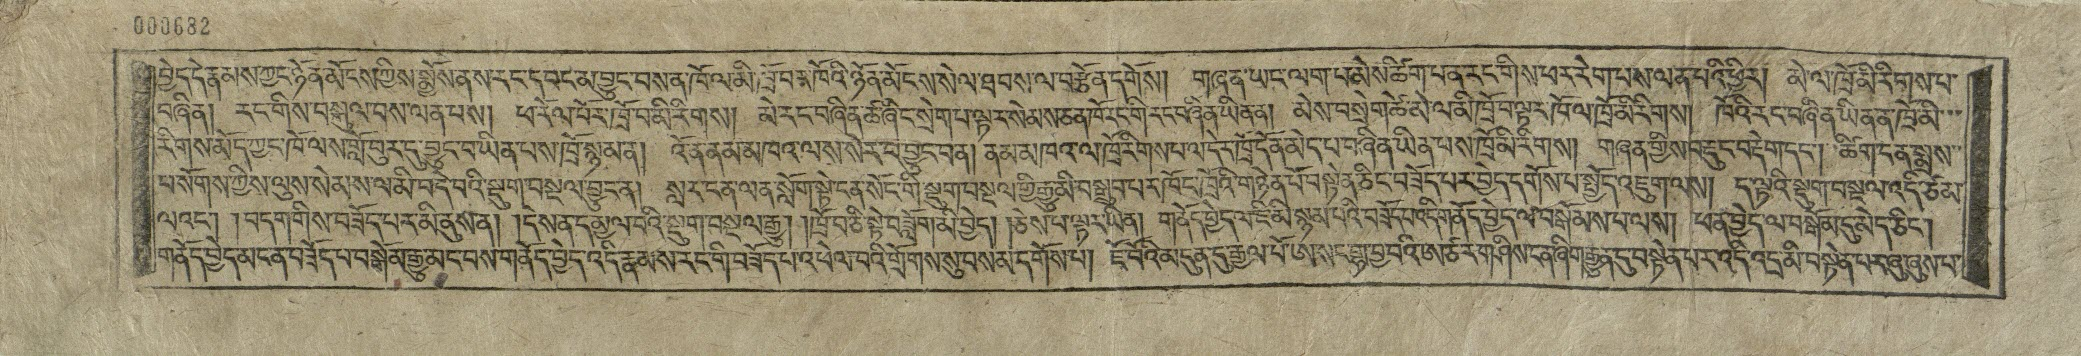བྱེད་དེ་རྣམས་ཀྱང་ཉོན་མོངས་ཀྱིས་སྨྱོས་ནས་རང་དབང་མ་བྱུང་བས་ན་ཁོ་ལ་མི་ཁྲོ་བར་ཁོའི་ཉོན་མོངས་སེལ་ཐབས་ལ་བརྩོན་དགོས། གཞན་ཡང་ལག་པ་མེས་ཚིག་པ་ན་རང་གིས་ཕར་རེག་པས་ལན་པའི་ཕྱིར། མེ་ལ་ཁྲོ་མི་རིགས་པ་
བཞིན། རང་གིས་བསྐུལ་བས་ལན་པས། ཕ་རོལ་པོར་ཁྲོ་བ་མི་རིགས། མེ་རང་བཞིན་ཚ་ཞིང་སྲེག་པ་ལྟར་སེམས་ཅན་ཁོ་རང་གི་རང་བཞིན་ཡིན་ན། མེས་བསྲེག་ཚེ་མེ་ལ་མི་ཁྲོ་བ་ལྟར་ཁོ་ལ་ཁྲོ་མི་རིགས། ཁོའི་རང་བཞིན་ཡིན་ན་ཁྲོ་མི་
རིགས་མོད་ཀྱང་ཁོ་ལས་གློ་བུར་དུ་བྱུང་བ་ཡིན་པས་ཁྲོ་སྙམ་ན། འོ་ན་ནམ་མཁའ་ལས་སེར་བ་བྱུང་བ་ན། ནམ་མཁའ་ལ་ཁྲོ་རིགས་པ་ལ་དེར་ཁྲོ་དོན་མེད་པ་བཞིན་ཡིན་པས་ཁྲོ་མི་རིགས། གཞན་གྱིས་བརྡུང་བརྡེག་དང་། ཚིག་ངན་སྨྲས་
པ་སོགས་ཀྱིས་ལུས་སེམས་ལ་མི་བདེ་བའི་སྡུག་བསྔལ་བྱུང་ན། སླར་ངན་ལན་སློག་སྟེ་ངན་སོང་གི་སྡུག་བསྔལ་གྱི་རྒྱུ་མི་བསྒྲུབ་པར་ཁོང་ཁྲོའི་གཉེན་པོ་བསྟེན་ཅིང་བཟོད་པར་བྱེད་དགོས་པ་སྤྱོད་འཇུག་ལས། ད་ལྟའི་སྡུག་བསྔལ་འདི་ཙམ་
ལའང་། །བདག་གིས་བཟོད་པར་མི་ནུས་ན། །དེས་ན་དམྱལ་བའི་སྡུག་བསྔལ་རྒྱུ། །ཁྲོ་བ་ཅི་སྟེ་བཟློག་མི་བྱེད། །ཅེས་པ་ལྟར་ཡིན། གནོད་བྱེད་ལ་ཇི་མི་སྙམ་པའི་བཟོད་པ་འདི་གནོད་བྱེད་ལ་བསྒོམས་པ་ལས། ཕན་བྱེད་ལ་བསྒོམ་དུ་མེད་ཅིང་།
གནོད་བྱེད་མང་ན་བཟོད་པ་བསྒོམ་རྒྱུ་མང་བས་གནོད་བྱེད་འདི་རྣམས་རང་གི་བཟོད་པ་འཕེལ་བའི་གྲོགས་སུ་བསམ་དགོས་པ། ཇོ་བོའི་མདུན་དུ་རྒྱལ་པོ་ཨ་སང་གྷ་བྱ་བའི་ཨ་ཙ་ར་གཤིས་ངན་ཞིག་རྒྱུན་དུ་བསྟེན་པར་འདི་འདྲ་མི་བསྟེན་པར་ཞུ་ཞུས་པ་